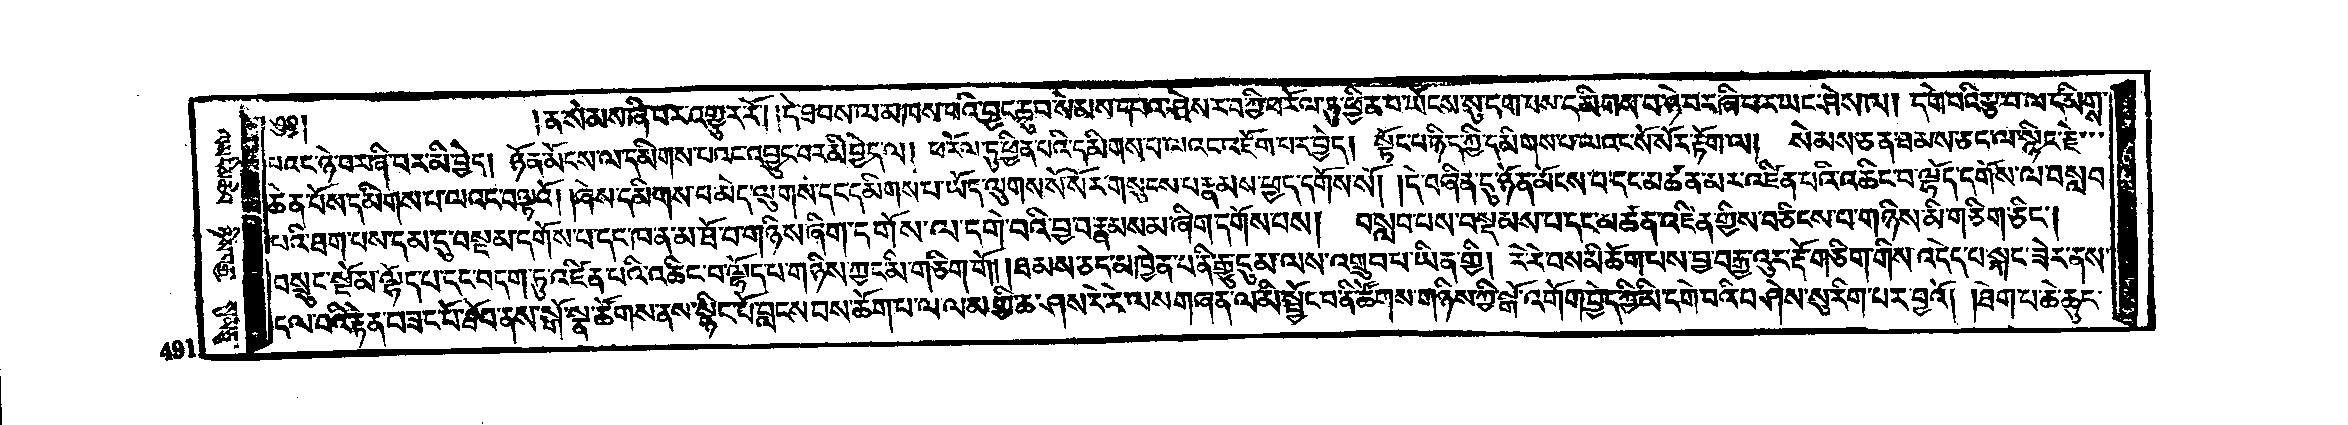༄༅། །ན་སེམས་ཞི་བར་འགྱུར་རོ། །དེ་ཐབས་ལ་མཁས་པའི་བྱང་ཆུབ་སེམས་དཔའ་ཤེས་རབ་ཀྱི་ཕ་རོལ་ཏུ་ཕྱིན་པ་ཡོངས་སུ་དག་པས་དམིགས་པ་ཉེ་བར་ཞི་བར་ཡང་ཤེས་ལ། དགེ་བའི་རྩ་བ་ལ་དམིགས་
པའང་ཉེ་བར་ཞི་བར་མི་བྱེད། ཉོན་མོངས་ལ་དམིགས་པའང་འབྱུང་བར་མི་བྱེད་ལ། ཕ་རོལ་ཏུ་ཕྱིན་པའི་དམིགས་པ་ལའང་འཇོག་པར་བྱེད། སྟོང་པ་ཉིད་ཀྱི་དམིགས་པ་ལའང་སོ་སོར་རྟོག་ལ། སེམས་ཅན་ཐམས་ཅད་ལ་སྙིང་རྗེ་
ཆེན་པོས་དམིགས་པ་ལའང་བལྟའོ། །ཞེས་དམིགས་པ་མེད་ལུགས་དང་དམིགས་པ་ཡོད་ལུགས་སོ་སོར་གསུངས་པ་རྣམས་ཕྱེད་དགོས་སོ། །དེ་བཞིན་དུ་ཉོན་མོངས་པ་དང་མཚན་མར་འཛིན་པའི་འཆིང་བ་ལྷོད་དགོས་ལ་བསླབ་
པའི་ཐག་པས་དམ་དུ་བསྡམ་དགོས་པ་དང་ཁ་ན་མ་ཐོ་བ་གཉིས་ཞིག་དགོས་ལ་དགེ་བའི་བྱ་བ་རྣམས་མ་ཞིག་དགོས་པས། བསླབ་པས་བསྡམས་པ་དང་མཚན་འཛིན་གྱིས་བཅིངས་པ་གཉིས་མི་གཅིག་ཅིང་།
བསྲུང་སྡོམ་ལྷོད་པ་དང་བདག་ཏུ་འཛིན་པའི་འཆིང་བ་ལྷོད་པ་གཉིས་ཀྱང་མི་གཅིག་གོ། །ཐམས་ཅད་མཁྱེན་པ་ནི་རྒྱུ་དུ་མ་ལས་འགྲུབ་པ་ཡིན་གྱི། རེ་རེ་བས་མི་ཆོག་པས་བྱ་བརྒྱ་འུར་རྡོ་གཅིག་གིས་འདེད་པ་སྐད་ཟེར་ནས་
དལ་བའི་རྟེན་བཟང་པོ་ཐོབ་ནས་སྒོ་སྣ་ཚོགས་ནས་སྙིང་པོ་བླངས་པས་ཆོག་པ་ལ་ལམ་གྱི་ཆ་ཤས་རེ་རེ་ལས་གཞན་ལ་མི་སྦྱོང་བ་ནི་ཚོགས་གཉིས་ཀྱི་སྒོ་འགོག་བྱེད་ཀྱི་མི་དགེ་བའི་བཤེས་སུ་རིག་པར་བྱའོ། །ཐེག་པ་ཆེ་ཆུང་